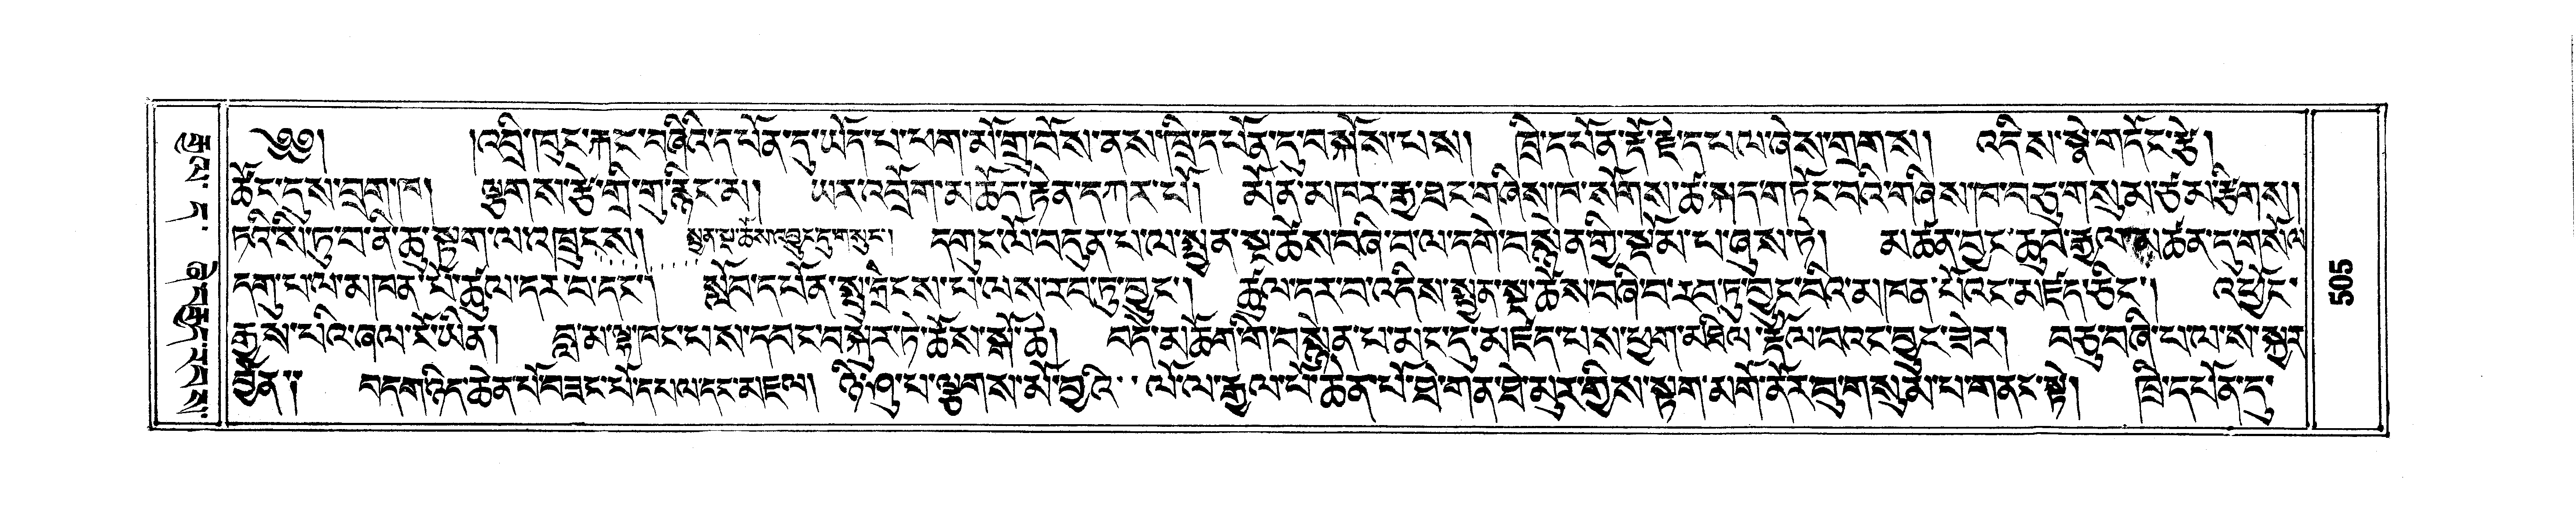༄༅། །འབྲི་ཁུང་རྐང་བཞིའི་དཔོན་དུ་ཡོད་པ་ཕག་མོ་གྲུ་བོས་ནས་ཁྲི་དཔོན་དུ་བསྐོས་པས། ཁྲི་དཔོན་རྡོ་རྗེ་དཔལ་ཞེས་གྲགས། འདིས་སྣེ་གདོང་རྩེ།
ཚོང་དུས་བྲག་ཁ། ལྕགས་རྩེ་གྲི་གུ་རྙིང་མ། ཡར་འབྲོག་མཆོད་རྟེན་དཀར་པོ། མོན་མཁར་རྒྱ་ཐང་གཞིས་ཁ་སོགས་ཚ་སྐད་གཏོང་བའི་གཞིས་ཁ་བཅུ་གསུམ་ཙམ་རྩིགས།
ཏའི་སི་ཏུ་བ་ནི་ཆུ་སྟག་ལ་འཁྲུངས། སྤྱན་སྔ་ཆོས་འབྱུང་དུ་གསུང་།  དགུང་ལོ་བདུན་པ་ལ་སྤྱན་སྔ་ཚེས་བཞི་བ་ལ་དགེ་བསྙེན་གྱི་སྡོམ་པ་ཞུས་ཏེ། མཚན་བྱང་ཆུབ་རྒྱལ་མཚན་དུ་གསོལ་
དགུ་པ་ལ་མཁན་པོ་ཚུལ་དར་བ་དང་། སློབ་དཔོན་སྤུ་ཧྲཻངས་པ་ལས་རབ་ཏུ་བྱུང་། ཚུལ་དར་བ་འདིས་སྤྱན་སྔ་ཚེས་བཞི་བ་རབ་ཏུ་བྱུང་བའི་མཁན་པོའང་མཛད་ཅིང་། འཕྱོང་
རྒྱས་པའི་ཞལ་ངོ་ཡིན། བླ་མ་ལྷ་ཁང་པས་དབང་བསྐུར་ཏེ་ཆོས་སྒོ་ཆེ། བདེ་མཆོག་གི་བསྙེན་པ་མང་དུ་མཛད་པས་ཕྱག་མཐིལ་རྡོལ་བའང་བྱུང་ཟེར། བཅུ་བཞི་པ་ལ་ས་སྐྱར་
བྱོན༑ བདག་ཉིད་ཆེན་པོ་བཟང་པོ་དཔལ་དང་མཇལ། ཉི་ཤུ་པ་ལྕགས་མོ་བྱའི་ལོ་ལ་རྒྱལ་པོ་ཆེན་པོ་ཐེ་གན་ཐེ་མུར་གྱིས་སྟག་མགོ་ནོར་བུ་གསུམ་པ་གནང་སྟེ། ཁྲི་དཔོན་དུ་